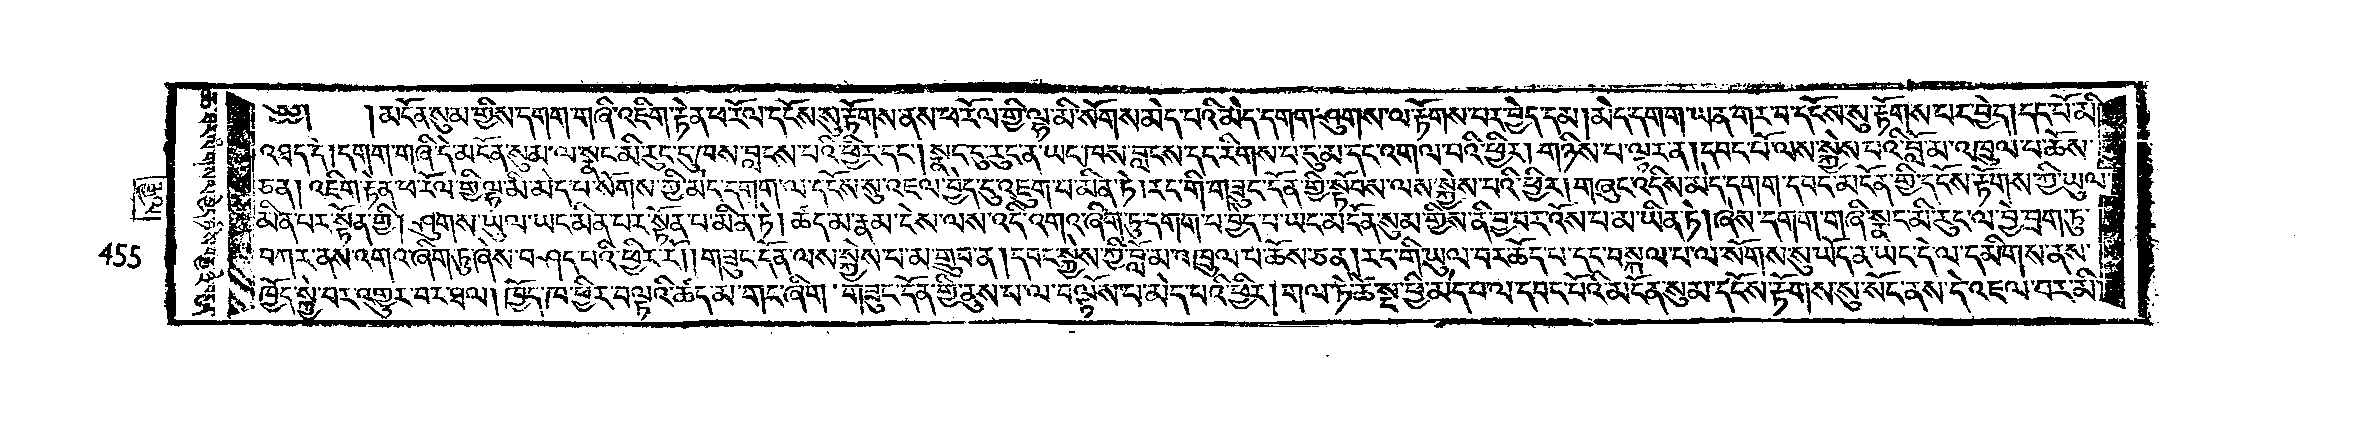༄༅། །མངོན་སུམ་གྱིས་དགག་གཞི་འཇིག་རྟེན་ཕ་རོལ་དངོས་སུ་རྟོགས་ནས་ཕ་རོལ་གྱི་ལྷ་མི་སོགས་མེད་པའི་མེད་དགག་ཤུགས་ལ་རྟོགས་པར་བྱེད་དམ། མེད་དགག་ཡན་གར་བ་དངོས་སུ་རྟོགས་པར་བྱེད། དང་པོ་མི་
འཐད་དེ། དགག་གཞི་དེ་མངོན་སུམ་ལ་སྣང་མི་རུང་དུ་ཁས་བླངས་པའི་ཕྱིར་དང་། སྣང་དུ་རུང་ན་ཡང་ཁས་བླངས་དང་རིགས་པ་དུ་མ་དང་འགལ་བའི་ཕྱིར། གཉིས་པ་ལྟར་ན། དབང་པོ་ལས་སྐྱེས་པའི་བློ་མ་འཁྲུལ་པ་ཆོས་
ཅན། འཇིག་རྟེན་ཕ་རོལ་གྱི་ལྷ་མི་མེད་པ་སོགས་ཀྱི་མེད་དགག་ལ་དངོས་སུ་འཇལ་བྱེད་དུ་འཇུག་པ་མིན་ཏེ། རང་གི་གཟུང་དོན་གྱི་སྟོབས་ལས་སྐྱེས་པའི་ཕྱིར། གཞུང་འདིས་མེད་དགག་དབང་མངོན་གྱི་དངོས་རྟོགས་ཀྱི་ཡུལ་
མིན་པར་སྟོན་གྱི། ཤུགས་ཡུལ་ཡང་མིན་པར་སྟོན་པ་མིན་ཏེ། ཚད་མ་རྣམ་ངེས་ལས་འདི་འགའ་ཞིག་ཏུ་དགག་པ་བྱེད་པ་ཡང་མངོན་སུམ་གྱིས་ནི་བྱ་བར་འོས་པ་མ་ཡིན་ཏེ། ཞེས་དགག་གཞི་སྣང་མི་རུང་ལ་བྱེ་བྲག་ཏུ་
བཀར་ནས་འགའ་ཞིག་ཏུ་ཞེས་བཤད་པའི་ཕྱིར་རོ། །གཟུང་དོན་ལས་སྐྱེས་པ་མ་གྲུབ་ན། དབང་སྐྱེས་ཀྱི་བློ་མ་འཁྲུལ་པ་ཆོས་ཅན། རང་གི་ཡུལ་བར་ཆོད་པ་དང་བསྐལ་པ་ལ་སོགས་སུ་ཡོད་ན་ཡང་དེ་ལ་དམིགས་ནས་
ཁྱོད་སྐྱེ་བར་འགྱུར་བར་ཐལ། ཁྱོད་ཁ་ཕྱིར་བལྟའི་ཚད་མ་གང་ཞིག་གཟུང་དོན་གྱི་ནུས་པ་ལ་བལྟོས་པ་མེད་པའི་ཕྱིར། གལ་ཏེ་ཚེ་སྔ་ཕྱི་མེད་པ་ལ་དབང་པོའི་མངོན་སུམ་དངོས་རྟོགས་སུ་སོང་ནས་དེ་འཇལ་བར་མི་